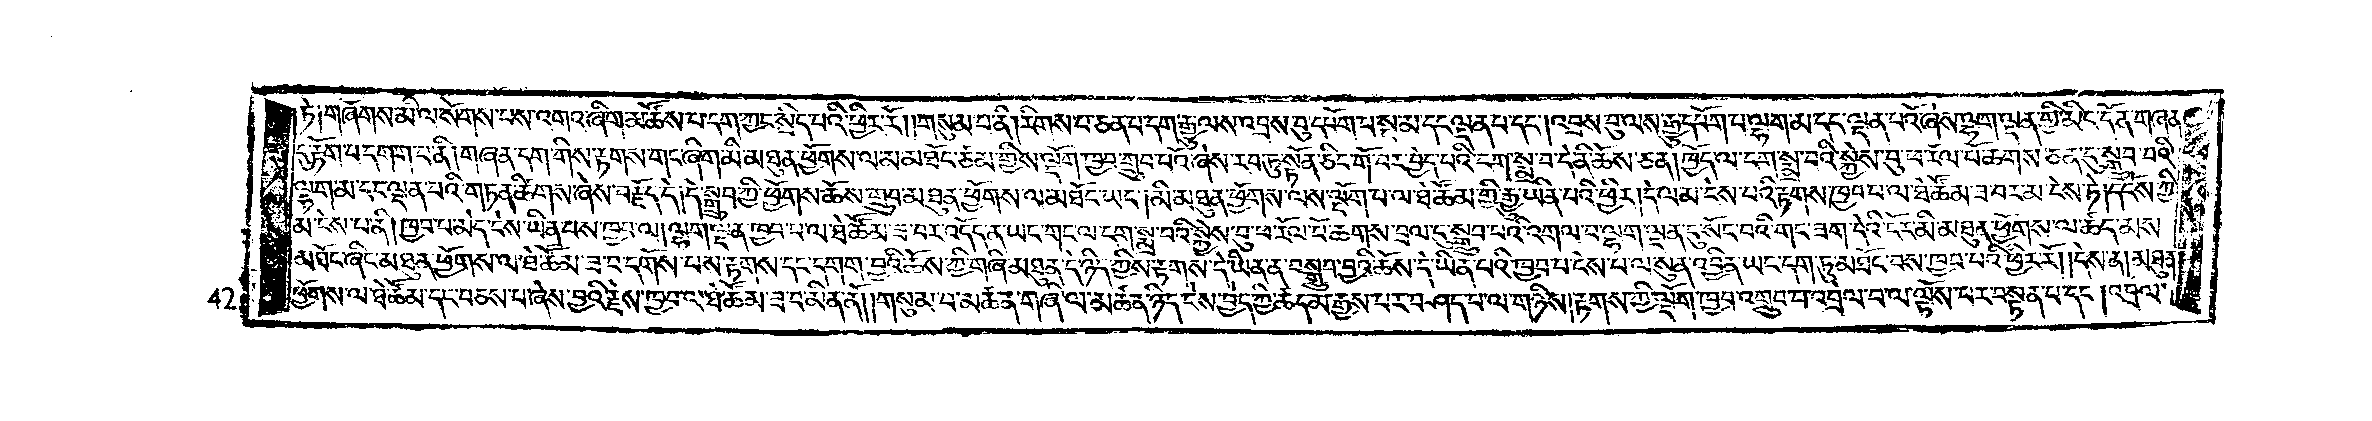ཏེ། གཞོགས་མི་ལ་སོགས་པས་འགའ་ཞིག་མ་ཚོས་པ་དག་ཀྱང་སྲིད་པའི་ཕྱིར་རོ། །གསུམ་པ་ནི། རིགས་པ་ཅན་པ་དག་རྒྱུ་ལས་འབྲས་བུ་དཔོག་པ་སྔ་མ་དང་ལྡན་པ་དང་། འབྲས་བུ་ལས་རྒྱུ་དཔོག་པ་ལྷག་མ་དང་ལྡན་པའོ་ཞེས་ལྷག་ལྡན་གྱི་མིང་དོན་གཞན་
དུ་རྟོག་པ་དགག་པ་ནི། གཞན་དག་གིས་རྟགས་གང་ཞིག་མི་མཐུན་ཕྱོགས་ལ་མ་མཐོང་ཙམ་གྱིས་ལྡོག་ཁྱབ་གྲུབ་པའོ་ཞེས་རབ་ཏུ་སྟོན་ཅིང་གོ་བར་བྱེད་པའི་དག་སྨྲ་བ་དེ་ནི་ཆོས་ཅན། ཁྱོད་ལ་དག་སྨྲ་བའི་སྐྱེས་བུ་ཕ་རོལ་པོ་ཆགས་ཅན་དུ་སྒྲུབ་པའི་
ལྷག་མ་དང་ལྡན་པའི་གཏན་ཚིགས་ཞེས་བརྗོད་དེ། དེ་སྒྲུབ་ཀྱི་ཕྱོགས་ཆོས་གྲུབ་མཐུན་ཕྱོགས་ལ་མཐོང་ཡང་། མི་མཐུན་ཕྱོགས་ལས་ལྡོག་པ་ལ་ཐེ་ཚོམ་གྱི་རྒྱུ་ཡིན་པའི་ཕྱིར། དེ་ལ་མ་ངེས་པའི་རྟགས་ཁྱབ་པ་ལ་ཐེ་ཚོམ་ཟ་བར་མ་ངེས་ཏེ། དངོས་ཀྱི་
མ་ངེས་པ་ནི། ཁྱབ་པ་མེད་ངེས་ཡིན་པས་ཁྱབ་ལ། ལྷག་ལྡན་ཁྱབ་པ་ལ་ཐེ་ཚོམ་ཟ་བར་འདོད་ན་ཡང་གང་ལ་ངག་སྨྲ་བའི་སྐྱེས་བུ་ཕ་རོལ་པོ་ཆགས་བྲལ་དུ་སྒྲུབ་པའི་འགལ་བ་ལྷག་ལྡན་དུ་སོང་བའི་གང་ཟག་དེའི་ངོར་མི་མཐུན་ཕྱོགས་ལ་ཚད་མས་
མཐོང་ཞིང་མཐུན་ཕྱོགས་ལ་ཐེ་ཚོམ་ཟ་བ་དགོས་པས་རྟགས་དང་དགག་བྱའི་ཆོས་ཀྱི་གཞི་མཐུན་དེ་ཉིད་ཀྱིས་རྟགས་དེ་ཡིན་ན་བསྒྲུབ་བྱའི་ཆོས་དེ་ཡིན་པའི་ཁྱབ་པ་ངེས་པ་ལ་སུན་འབྱིན་ཡང་དག་ཏུ་མཐོང་བས་ཁྱབ་པའི་ཕྱིར་རོ། །དེས་ན། མཐུན་
ཕྱོགས་ལ་ཐེ་ཚོམ་དང་བཅས་པ་ཞེས་བྱའི་རྗེས་ཁྱབ་ལ་ཐེ་ཚོམ་ཟ་བ་མིན་ནོ། །གསུམ་པ་མཚན་གཞི་ལ་མཚན་ཉིད་ངེས་བྱེད་ཀྱི་ཚད་མ་རྒྱས་པར་བཤད་པ་ལ་གཉིས། རྟགས་ཀྱི་ལྡོག་ཁྱབ་འགྲུབ་པ་འབྲལ་